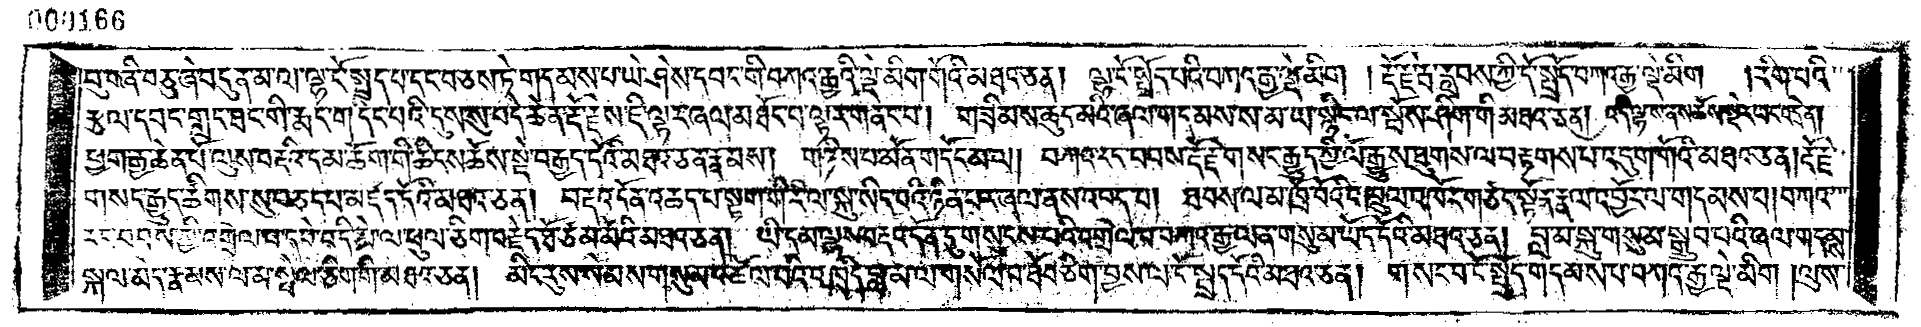བུ་བཞི་བཅུ་ཞེ་བདུན་མ་ལ་ལྷ་ངོ་སྤྲད་པ་དང་བཅས་ཏེ་གདམས་པ་ཡེ་ཤེས་དབང་གི་བཀའ་རྒྱའི་ལྡེ་མིག་གོའི་མཐའ་ཅན། ལྷ་ངོ་སྤྲོད་པའི་བཀའ་རྒྱ་ལྡེ་མིག །རྡོ་རྗེ་རྦ་རླབས་ཀྱི་དོ་སྤྲོད་བཀའ་རྒྱ་ལྡེ་མིག །རིག་པའི་
རྩལ་དབང་གླང་ཐང་གི་རྨང་གདིང་པའི་དུས་སུ་བདེ་ཆེན་རྡོ་རྗེས་ཇི་ལྟར་ཞལ་མཐོང་བ་ལྟར་གནང་བ། གཟིམས་ཆུང་མའི་ཞལ་གདམས་ས་མ་ཡ་སྙིང་ལ་སྦོས་ཤིག་གི་མཐའ་ཅན། འདི་ལྷ་ས་ནས་ཆོས་སྡེར་ཡང་འདྲེན།
ཕྱག་རྒྱ་ཆེན་པོ་ལུས་བརྡའི་དམ་ཆོག་གི་ཆིངས་ཆོས་སྡེ་བརྒྱད་དོའི་མཐའ་ཅན་རྣམས། གཉིས་པ་མོན་གདོང་མ་ལ། བཀའ་རང་བབས་རྡོ་རྗེ་གསང་རྒྱུད་ཀྱི་ལོ་རྒྱུས་ཐུགས་ལ་བརྟགས་པ་འདུག་གོའི་མཐའ་ཅན། རྡོ་རྗེ་
གསང་རྒྱུད་ཚིགས་སུ་བཅད་པ་མཛད་དོའི་མཐའ་ཅན། བརྡའ་དོན་འཆད་པ་སྟག་གི་རི་ལ་སྐུ་སིང་བའི་ཉིན་པར་ཞལ་ནས་འབད་པ། ཐབས་ལམ་ཁྲོ་བོའི་འཁྲུལ་འཁོར་གཙང་སྟོན་རྣལ་འབྱོར་ལ་གདམས་པ། བཀའ་
རང་བབས་ཀྱི་འགྲེལ་བ་དཔེ་འདི་མེ་ལ་ཕུལ་ཅིག་བརྗེད་ཐོ་ཙམ་མོའི་མཐའ་ཅན། ཡི་དམ་ལྷས་བརྡའ་དོན་དུ་གསུངས་པའི་འགྲེལ་བ་བཀའ་རྒྱ་ལན་གསུམ་ཡོད་དོའི་མཐའ་ཅན། བླ་མ་སྐུ་གསུམ་སྒྲུབ་པའི་ཞལ་གདམས་
སྐལ་མེད་རྣམས་ལ་མ་སྤེལ་ཅིག་གི་མཐའ་ཅན། མིང་རུས་སེམས་གསུམ་འཚོལ་བའི་འཁྲིད་བླ་མ་ལ་གསོལ་བ་ཐོབ་ཅིག་བྱས་ལ་ངོ་སྤྲད་དོའི་མཐའ་ཅན། གསང་བ་ངོ་སྤྲོད་གདམས་པ་བཀའ་རྒྱ་ལྡེ་མིག །ལུས་